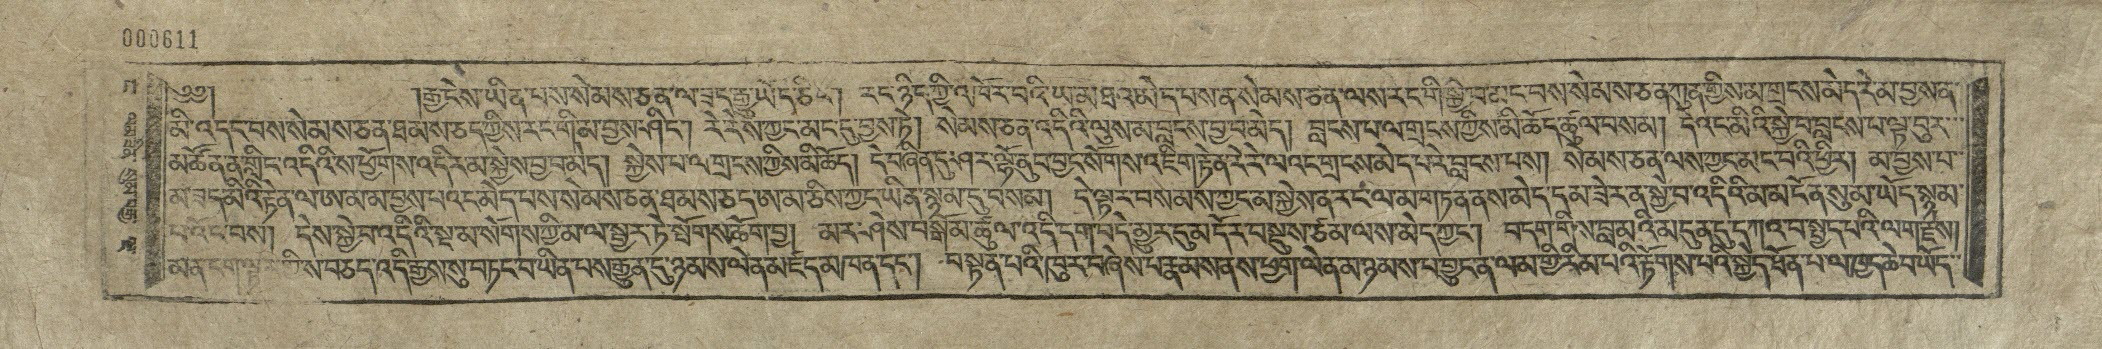༄༅། །རྒྱ་ངེས་ཡིན་པས་སེམས་ཅན་ལ་ཟད་རྒྱུ་ཡོད་ཅིང་། རང་ཉིད་ཀྱི་འཁོར་བའི་ཡ་མཐའ་མེད་པས་ན་སེམས་ཅན་ལས་རང་གི་སྐྱེ་བ་མང་བས་སེམས་ཅན་ཀུན་གྱིས་མ་གྲངས་མེད་རེ་མ་བྱས་ན་
མི་འདང་བས་སེམས་ཅན་ཐམས་ཅད་ཀྱིས་རང་གི་མ་བྱས་ཤིང་། རེ་རེས་ཀྱང་མང་དུ་བྱས་ཏེ། སེམས་ཅན་འདིའི་ལུས་མ་བླངས་བྱ་བ་མེད། བླངས་པ་ལ་གྲངས་ཀྱིས་མི་ཆོད་ཚུལ་བསམ། དེའང་མིའི་སྐྱེ་བ་བླངས་པ་ལྟ་བུར་
མཚོན་ན་གླིང་འདིའི་ས་ཕྱོགས་འདིར་མ་སྐྱེས་བྱ་བ་མེད། སྐྱེས་པ་ལ་གྲངས་ཀྱིས་མི་ཆོད། དེ་བཞིན་དུ་ཤར་ལྷོ་ནུབ་བྱང་སོགས་འཇིག་རྟེན་རེ་རེ་ལའང་གྲངས་མེད་པ་རེ་བླངས་པས། སེམས་ཅན་ལས་ཀྱང་མང་བའི་ཕྱིར། མ་བྱས་པ་
མ་ཟད་མིའི་རྟེན་ལ་ཨ་མ་མ་བྱས་པའང་མེད་པས་སེམས་ཅན་ཐམས་ཅད་ཨ་མ་ཅིས་ཀྱང་ཡིན་སྙམ་དུ་བསམ། དེ་ལྟར་བསམས་ཀྱང་མ་སྐྱེས་ན་རང་ལ་མ་གཏན་ནས་མེད་དམ་ཟེར་ན་སྐྱེ་བ་འདིའི་མ་མངོན་སུམ་ཡོད་སྙམ་
པ་འོང་བས། དེས་སྐྱེ་བ་འདིའི་སྔ་མ་སོགས་ཀྱི་མ་ལ་སྦྱར་ཏེ་སྤོགས་ཆོག་བྱ། མར་ཤེས་བསྒོམ་ཚུལ་འདི་དག་བདེ་མྱུར་དུ་མདོར་བསྡུས་ཙམ་ལས་མེད་ཀྱང་། བདག་གིས་བླ་མའི་མདུན་དུ་དཀའ་བ་སྤྱད་པའི་ལག་རྗེས།
མན་ངག་ལྟར་གྱི་ས་བཅད་འདི་རྒྱས་སུ་བཏང་བ་ཡིན་པས་རྒྱུན་དུ་ཉམས་ལེན་མཛད་མཁན་དང་། བསྟན་པའི་ཁུར་བཞེས་པ་རྣམས་ནས་ཕྱག་ལེན་མ་ཉམས་པ་བྱུང་ན་ལམ་གྱི་རིམ་པའི་རྟོགས་པའི་སྐྱེད་ཐོན་པ་ལ་ཁྱད་ཆེ་བ་ཡོད་